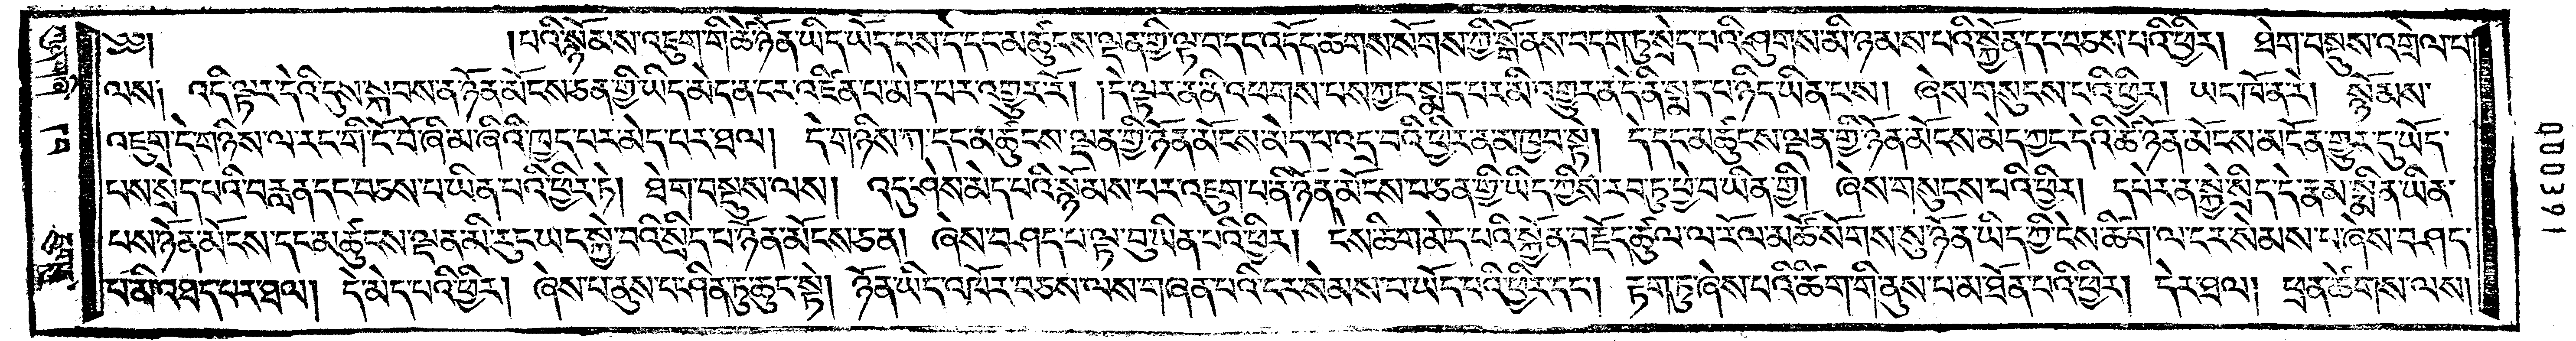༄༅། །པའི་སྙོམས་འཇུག་གི་ཆོ་ཉོན་ཡིད་ཡོད་བས་དེ་དང་མཚུངས་ལྡན་གྱི་ལྟ་བ་དང་འདོད་ཆགས་སོགས་ཀྱི་སྒོ་ནས་བདག་ཏུ་སྲེད་བའི་ཤུགས་མི་ཉམས་པའི་སྐྱོན་དང་བཅས་པའི་ཕྱིར། ཐེག་བསྡུས་འགྲེལ་པ་
ལས། འདི་ལྟར་དེའི་དུས་སྐབས་ན་ཉོན་མོངས་ཅན་གྱི་ཡིད་མེད་ན་ངར་འཛིན་པ་མེད་པར་འགྱུར་རོ། །དེ་ལྟར་ན་ནི་འཕགས་ལས་ཀྱང་སྨད་པར་མི་འགྱུར་ན་དེ་ནི་སྨད་པ་ཉིད་ཡིན་པས། ཞེས་གསུངས་པའི་ཕྱིར། ཡང་ཁོ་ན་རེ། སྙོམས་
འཇུག་ངེ་གཉིས་ལ་རང་གི་ངོ་བོ་ཞི་མ་ཞིའི་ཁྱད་པར་མེད་བར་ཐལ། དེ་གཉིས་ཀ་དང་མཚུངས་ལྡན་གྱི་ཉོན་མོངས་མེད་པ་འདྲ་བའི་ཕྱིར་ན་མ་ཁྱབ་སྟེ། དེ་དང་མཚུངས་ལྡན་གྱི་ཉོན་མོངས་མེད་ཀྱང་དེའི་ཆོ་ཉོན་མོངས་མངོན་གྱུར་དུ་ཡོད་
པས་སྲེད་པའི་བརླན་དང་བཅས་བ་ཡིན་པའི་ཕྱིར་ཏེ། ཐེག་བསྡུས་ལས། འདུ་ཤེས་མེད་པའི་སྙོམས་པར་འཇུག་པ་ནི་ཉོན་མོངས་པ་ཅན་གྱི་ཡིད་ཀྱིས་རབ་ཏུ་ཕྱེ་བ་ཡིན་གྱི། ཞེས་གསུངས་པའི་ཕྱིར། དཔེར་ན་སྐྱེ་སྲིད་དེ་རྣམ་སྨིན་ཡིན་
པས་ཉོན་མོངས་དང་མཚུངས་ལྡན་མི་རུང་ཡང་སྐྱེ་བའི་སྲིད་པ་ཉོན་མོངས་ཅན། ཞེས་བཤད་པ་ལྟ་བུ་ཡིན་པའི་ཕྱིར། ངེས་ཚིག་མེད་པའི་སྐྱོན་བརྗོད་ཚུལ་ལ་རོལ་མཚོ་སོགས་སུ་ཉོན་ཡིད་ཀྱི་ངེས་ཚིག་ལ་ངར་སེམས་པ་ཞེས་བཤད་
པ་མི་འཐད་པར་ཐལ། དེ་མེད་པའི་ཕྱིར། ཞེས་པ་ནུས་བ་ཤིན་ཏུ་ཆུང་སྟེ། ཉོན་ཡིང་འཁོར་བཅས་ལས་གཞན་པའི་ངར་སེམས་པ་ཡོད་བའི་ཕྱིར་དང་། རྟག་ཏུ་ཞེས་པའི་ཚིག་གི་ནུས་པ་མཐོན་པའི་ཕྱིར། དེར་ཐལ། ཕྲན་ཚེགས་ལས།